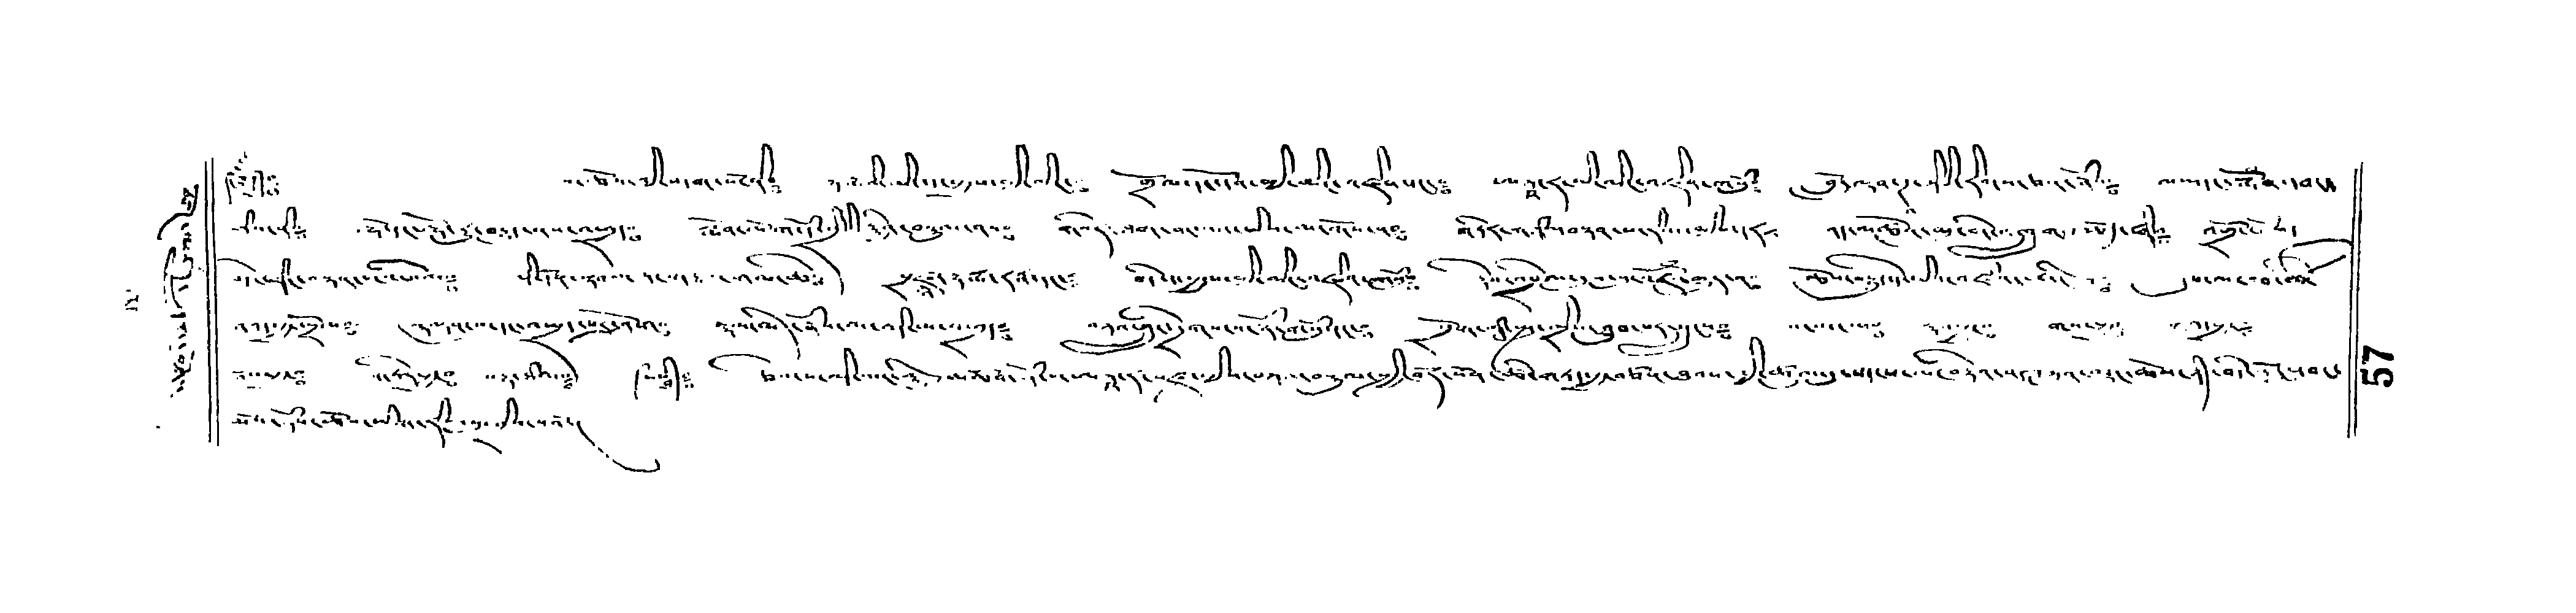པ་ཆོས་ཀྱི་བདག་པོ་ནི༔ ཀརྨའི་མིང་དང་རྒྱལ་གྱི་མིངཿ གྲོལ་དང་དོན་གྱི་མིང་འཛིན་དང༔ ཨཀྵ་ར་ཡི་མིང་འཛིན་གསུམ༔ བློ་ལྡན་ཌཱ་ཀིའི་རིགས་ཅན་རྣམས༔ ལས་དང་སྨོན་ལམ་དབང་
གིས་ནི༔ ལྷོ་དང་ལྷོ་རུ་བརྒྱུད་ནས་འཕྲདཿ སྨོན་ལོག་དམ་སྲིའི་རྐྱེན་བསྐུལ་ནས༔ གསེར་ཐག་གཡའ་ཡིས་མ་གོས་ན༔ གཏེར་གཉིས་བསྟན་པ་རིམ་གྱིས་དར༔ ནད་མཚོན་མུ་གེ་འཁྲུགས་རྩོད་ཞི༔ འགྲོ་ཁམས་
བདེ་ཞིང་བསྟན་པ་འཕེལ༔ འདི་དོན་སྟབས་ཀ་གཟབ་གལ་ཆེ༔ པྲཛྙཱ་དྷརྨ་རཏྣ་དང༔ བདེ་དང་རྒྱལ་གྱི་མིང་འཛིན་གསུམ༔ རྟེན་འབྲེལ་དུས་སུ་འཛོམ་གྱུར་ན༔ ཆོས་བརྒྱུད་དེ་ཡིས་འཛིན་པར་ངེས༔ དུས་ལ་བབ་ཚེ་
གཏད་རྒྱ་ཕྲོལ༔ སྐལ་ལྡན་བུ་དང་འཕྲད་པར་ཤོག༔ སྐལ་མེད་རྣམས་ལ་འདི་མ་འཕྲད༔ བཀའ་སྲུང་དྲེགས་པ་རྣམ་གསུམ་དང༔ སྲོག་གི་སྤུ་གྲིས་ཐུབ་པར་སྲུངས༔ ས་མ་ཡ༔ ཟབ་རྒྱ༔ གསང་རྒྱ༔ གཏད་རྒྱ༔ 
སྦས་རྒྱ༔ གཏེར་རྒྱ༔ བརྡ་ཐིམ༔ ༔ ཅེས་པ་འདི་ཡང་སྐྱེས་མཆོག་དམ་པ་ཨཀྵ་ར་བཛྲ་གྱིས་བཀའ་བསྐུལ་སྤྱི་བོར་སོན་ཚེ་གཏད་རྒྱ་བཙན་ཐབས་ཀྱི་ཚུལ་དུ་སད་པ་ལ་བརྟེན་ནས་ཀུན་བཟང་ཆོས་ཉིད་བདེ་སྐྱོང་དབང་
མོས་ཉམས་ཆོས་ཡིག་རིས་སུ་བྲིས་པའོ།།